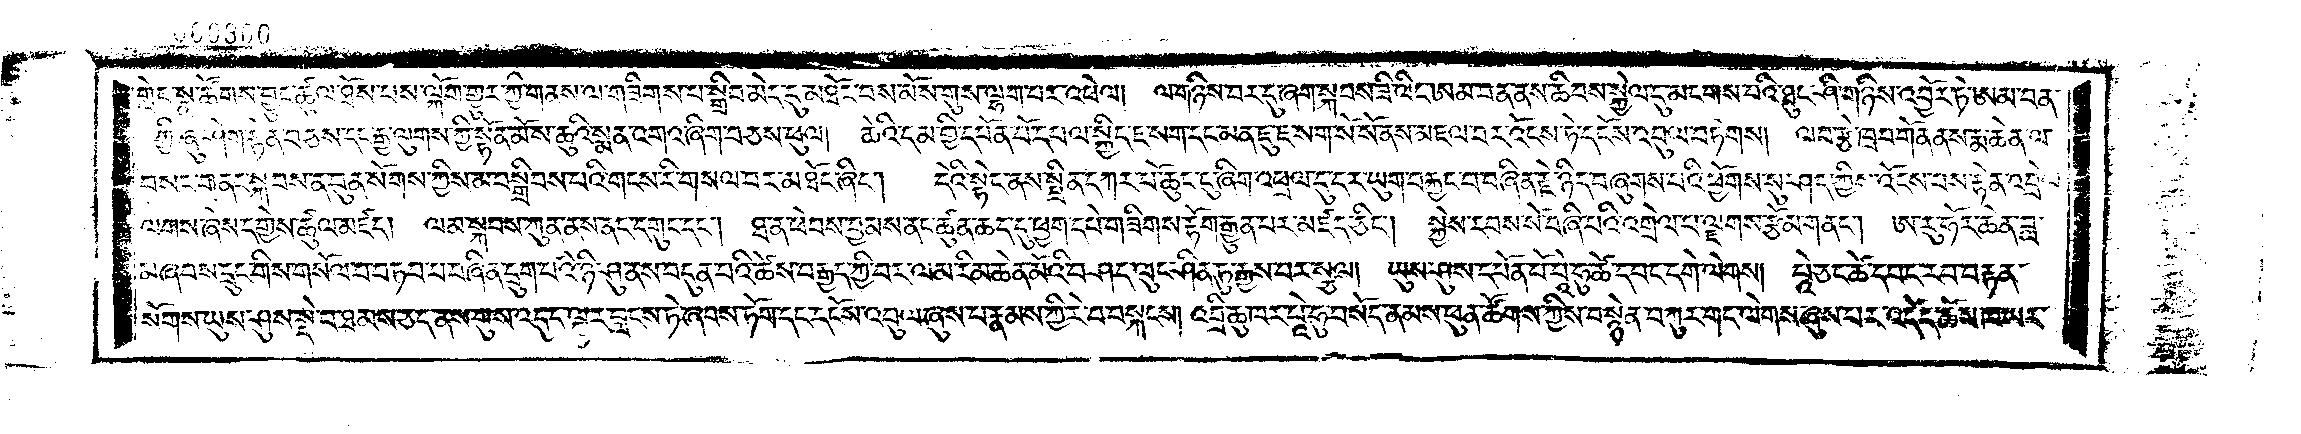གླེང་སྣ་ཚོགས་བྱུང་ཚུལ་ཐོས་པས་ལྐོག་གྱུར་ཀྱི་གནས་ལ་གཟིགས་པ་སྒྲིབ་མེད་དུ་མཐོང་བས་མོས་གུས་ལྷག་པར་འཕེལ། ལ་གཉིས་བར་དུ་ཞག་སྐབས་ཐི་ལིང་ཨམ་བན་ནས་ཆིབས་སྐྱེལ་དུ་མངགས་པའི་ཐུང་ཤི་གཉིས་འབྱོར་ཏེ་ཨམ་པན་
གྱི་ཞུ་ཤེག་རྟེན་བཅས་དང་རྒྱ་ལུགས་ཀྱི་སྟོན་མོས་ཆུའི་སྨན་འགའ་ཞིག་བཅས་ཕུལ། ཆེའི་དམ་གྱི་དཔོན་པོ་དཔལ་སྐྱིད་ཇ་སག་དང་མན་ཇུ་ཇ་སག་སོ་སོ་ནས་མཇལ་བར་འོངས་ཏེ་དངོས་འབུལ་བཏེགས། ལབ་རྩེ་ཁྲབ་གོན་ནས་རྨ་ཆེན་ལ་
བསང་གནང་སྐབས་ན་བུན་སོགས་ཀྱིས་མ་བསྒྲིབས་པའི་གངས་རི་གསལ་བར་མཐོང་ཞིང་། དེའི་སྟེང་ནས་སྦྲིན་དཀར་པོ་ཆུང་ངུ་ཞིག་འཕྲལ་དུ་དར་ཡུག་བརྐྱང་བ་བཞིན་རྗེ་ཉིད་བཞུགས་པའི་ཕྱོགས་སུ་ཤད་ཀྱིས་འོངས་པས་རྟེན་འབྲེལ་
ལགས་ཞེས་དགྱེས་ཚུལ་མཛད། ལམ་སྐབས་ཀུན་ནས་ནང་དགུང་དང་། ཐ་ན་ཕེབས་བྱམས་ནང་ཚུན་ཆད་དུ་ཕྱག་དབེ་གཟིགས་རྟོག་རྒྱུན་པར་མཛད་ཅིང་། སྐྱེས་རབས་སོ་བཞི་པའི་འགྲེལ་པ་ལྗགས་རྩོམ་གནང་། ཨ་རུ་ཧོར་ཆེན་བླ་
མ་ཞབས་དྲུང་གིས་གསོལ་བ་བཏབ་པ་བཞིན་དྲུག་པའི་ཉི་ཤུ་ནས་བདུན་པའི་ཚེས་བརྒྱད་ཀྱི་བར་ལམ་རིམ་ཆེན་མོའི་བཤད་ལུང་ཤིན་ཏུ་རྒྱས་པར་སྩལ། ཡུས་ཤུས་དཔོན་པོ་པE་ཧུ་ཚེ་དབང་དགེ་ལེགས། པE་ཅང་ཚེ་དབང་རབ་བརྟན་
སོགས་ཡུས་ཤུས་སྡེ་བ་ཐམས་ཅད་ནས་གུས་འདུད་ལྷུར་བླངས་ཏེ་ཞབས་ཏོག་དང་དངོས་འབུལ་ཞུས་པ་རྣམས་ཀྱི་རེ་བ་བསྐངས། འབྲི་ཆུ་ཁར་པE་ཧུ་བསོད་ནམས་ཕུན་ཚོགས་ཀྱིས་བསྙེན་བཀུར་གང་ལེགས་ཞུས་པར་འདོད་ཆོས་ཁ་ཡར་